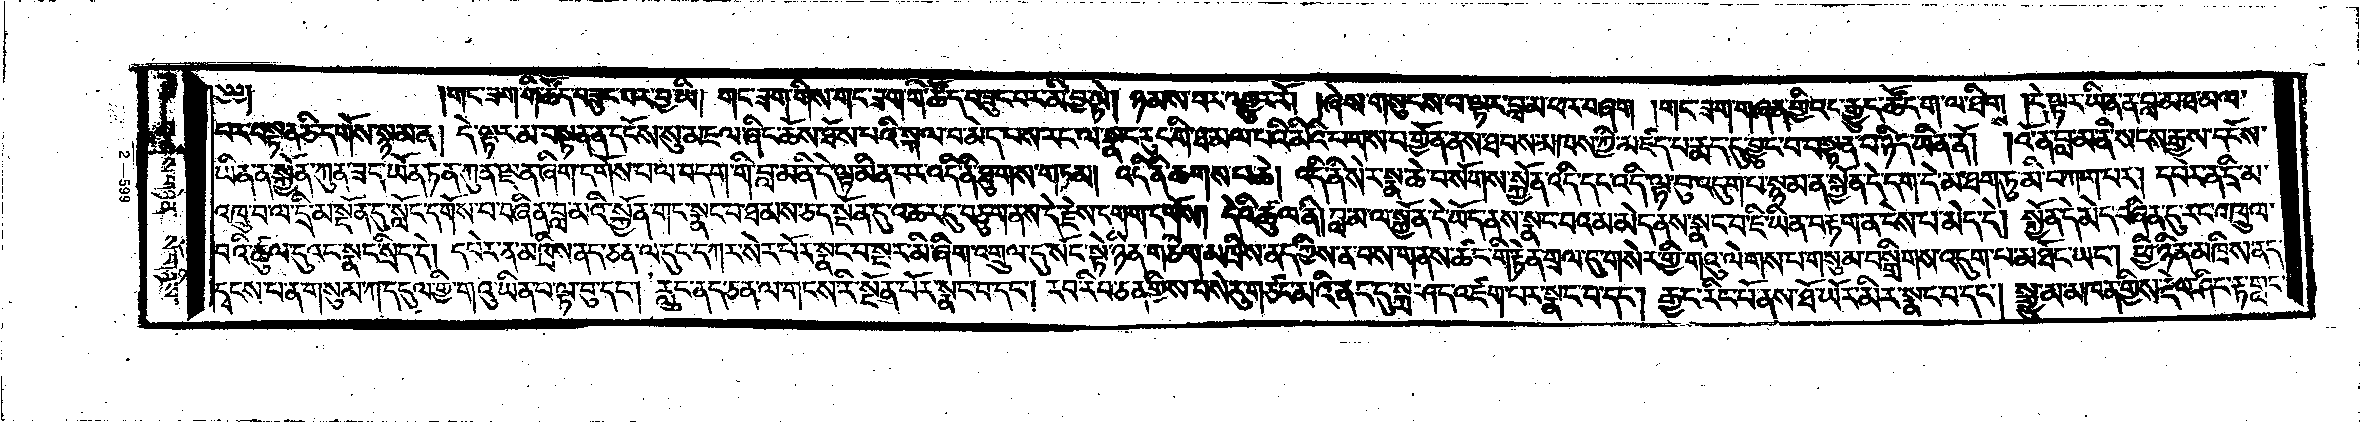༄༅། །གང་ཟག་གི་ཚོད་བཟུང་བར་བྱ་ཡི། གང་ཟག་གིས་གང་ཟག་གི་ཚོད་བཟུང་བར་མི་བྱ་སྟེ། ཉམས་བར་འགྱུར་རོ། །ཞེས་གསུངས་བ་ལྟར་བླ་མ་ཕར་བཞག །གང་ཟག་གཞན་གྱིའང་རྒྱུད་ཚོང་ག་ལ་ཐིགས་།དེ་ལྟར་ཡིན་ན་བླ་མ་ཐ་མལ་
བར་བསྟན་ཅི་དགོས་སྙམ་ན། དེ་ལྟར་མ་བསྟན་ན་དངོས་སུ་མཇལ་ཞིང་ཆོས་ཐོས་པའི་སྐལ་བ་མེད་པས་རང་ལ་སྣང་རུང་གི་ཐ་མལ་པའི་མིའི་པགས་བ་གྱོན་ནས་ཐབས་མཁས་ཀྱི་མཛད་པ་རྨད་དུ་བྱུང་བ་བསྟན་པ་ཉིད་ཡིན་ནོ། །འོ་ན་བླ་མ་ནི་སངས་རྒྱས་དངོས་
ཡིན་ན་སྐྱོན་ཀུན་ཟད་ཡོན་ཏན་ཀུན་ལྡན་ཞིག་དགོས་པ་ལ་བདག་གི་བླ་མ་ནི་དེ་ལྟ་མིན་པར་འདི་ནི་ཐུགས་གཏམ། འདི་ནི་ཆགས་པ་ཆེ། འདི་ནི་སེར་སྣ་ཆེ་བ་སོགས་སྐྱོན་འདི་དང་འདི་ལྟ་བུ་འདུག་པ་སྙམ་ན་སྐྱོན་དེ་དག་དེ་མ་ཐག་ཏུ་མི་བཀག་པར། དཔེར་ན་དྲི་མ་
འཁྲུ་བ་ལ་དྲི་མ་སྔོན་དུ་སློང་དགོས་པ་བཞིན་བླ་མའི་སྐྱོན་གང་སྣང་བ་ཐམས་ཅད་སྔོན་དུ་འཆར་དུ་བཅུག་ནས་དེ་རྗེས་དགག་དགོས། དེའི་ཚུལ་ནི་།བླ་མ་ལ་སྐྱོན་དེ་ཡོད་ནས་སྣང་བའམ་མེད་ནས་སྣང་བ་ཇི་ཡིན་བརྟག་ན་ངེས་པ་མེད་དེ། སྐྱོན་དེ་མེད་བཞིན་དུ་རང་འཁྲུལ་
བའི་ཚུལ་དུའང་སྣང་སྲིད་དེ། དཔེར་ན་མཁྲིས་ནད་ཅན་ལ་དུང་དཀར་སེར་པོར་སྣང་བ་སྔར་མི་ཞིག་འགྲུལ་དུ་སོང་སྟེ་ཉིན་གཅིག་མཁྲིས་ནད་ཀྱིས་ན་བས་གནས་ཚང་གི་རྟེན་གྲལ་དུ་གསེར་གྱི་གའུ་ལེགས་པ་གསུམ་བསྒྲིགས་འདུག་པ་མཐོང་ཡང་། ཕྱི་ཉིན་མཁྲིས་ནད་
དྭངས་པ་ན་གསུམ་ཀ་དངུལ་གྱི་གའུ་ཡིན་པ་ལྟ་བུ་དང་། རླུང་ནད་ཅན་ལ་གངས་རི་སྔོན་པོར་སྣང་བ་དང་། རབ་རིབ་ཅན་གྱིས་བསེརུ་གཙང་མའི་ནང་དུ་སྐྲ་ཤད་འཛག་པར་སྣང་བ་དང་། རྒྱང་རིང་པོ་ནས་ཐོ་ཡོར་མིར་སྣང་བ་དང་། སྒྱུ་མ་མཁན་གྱིས་རྡེལ་ཤིང་རྟ་གླང་